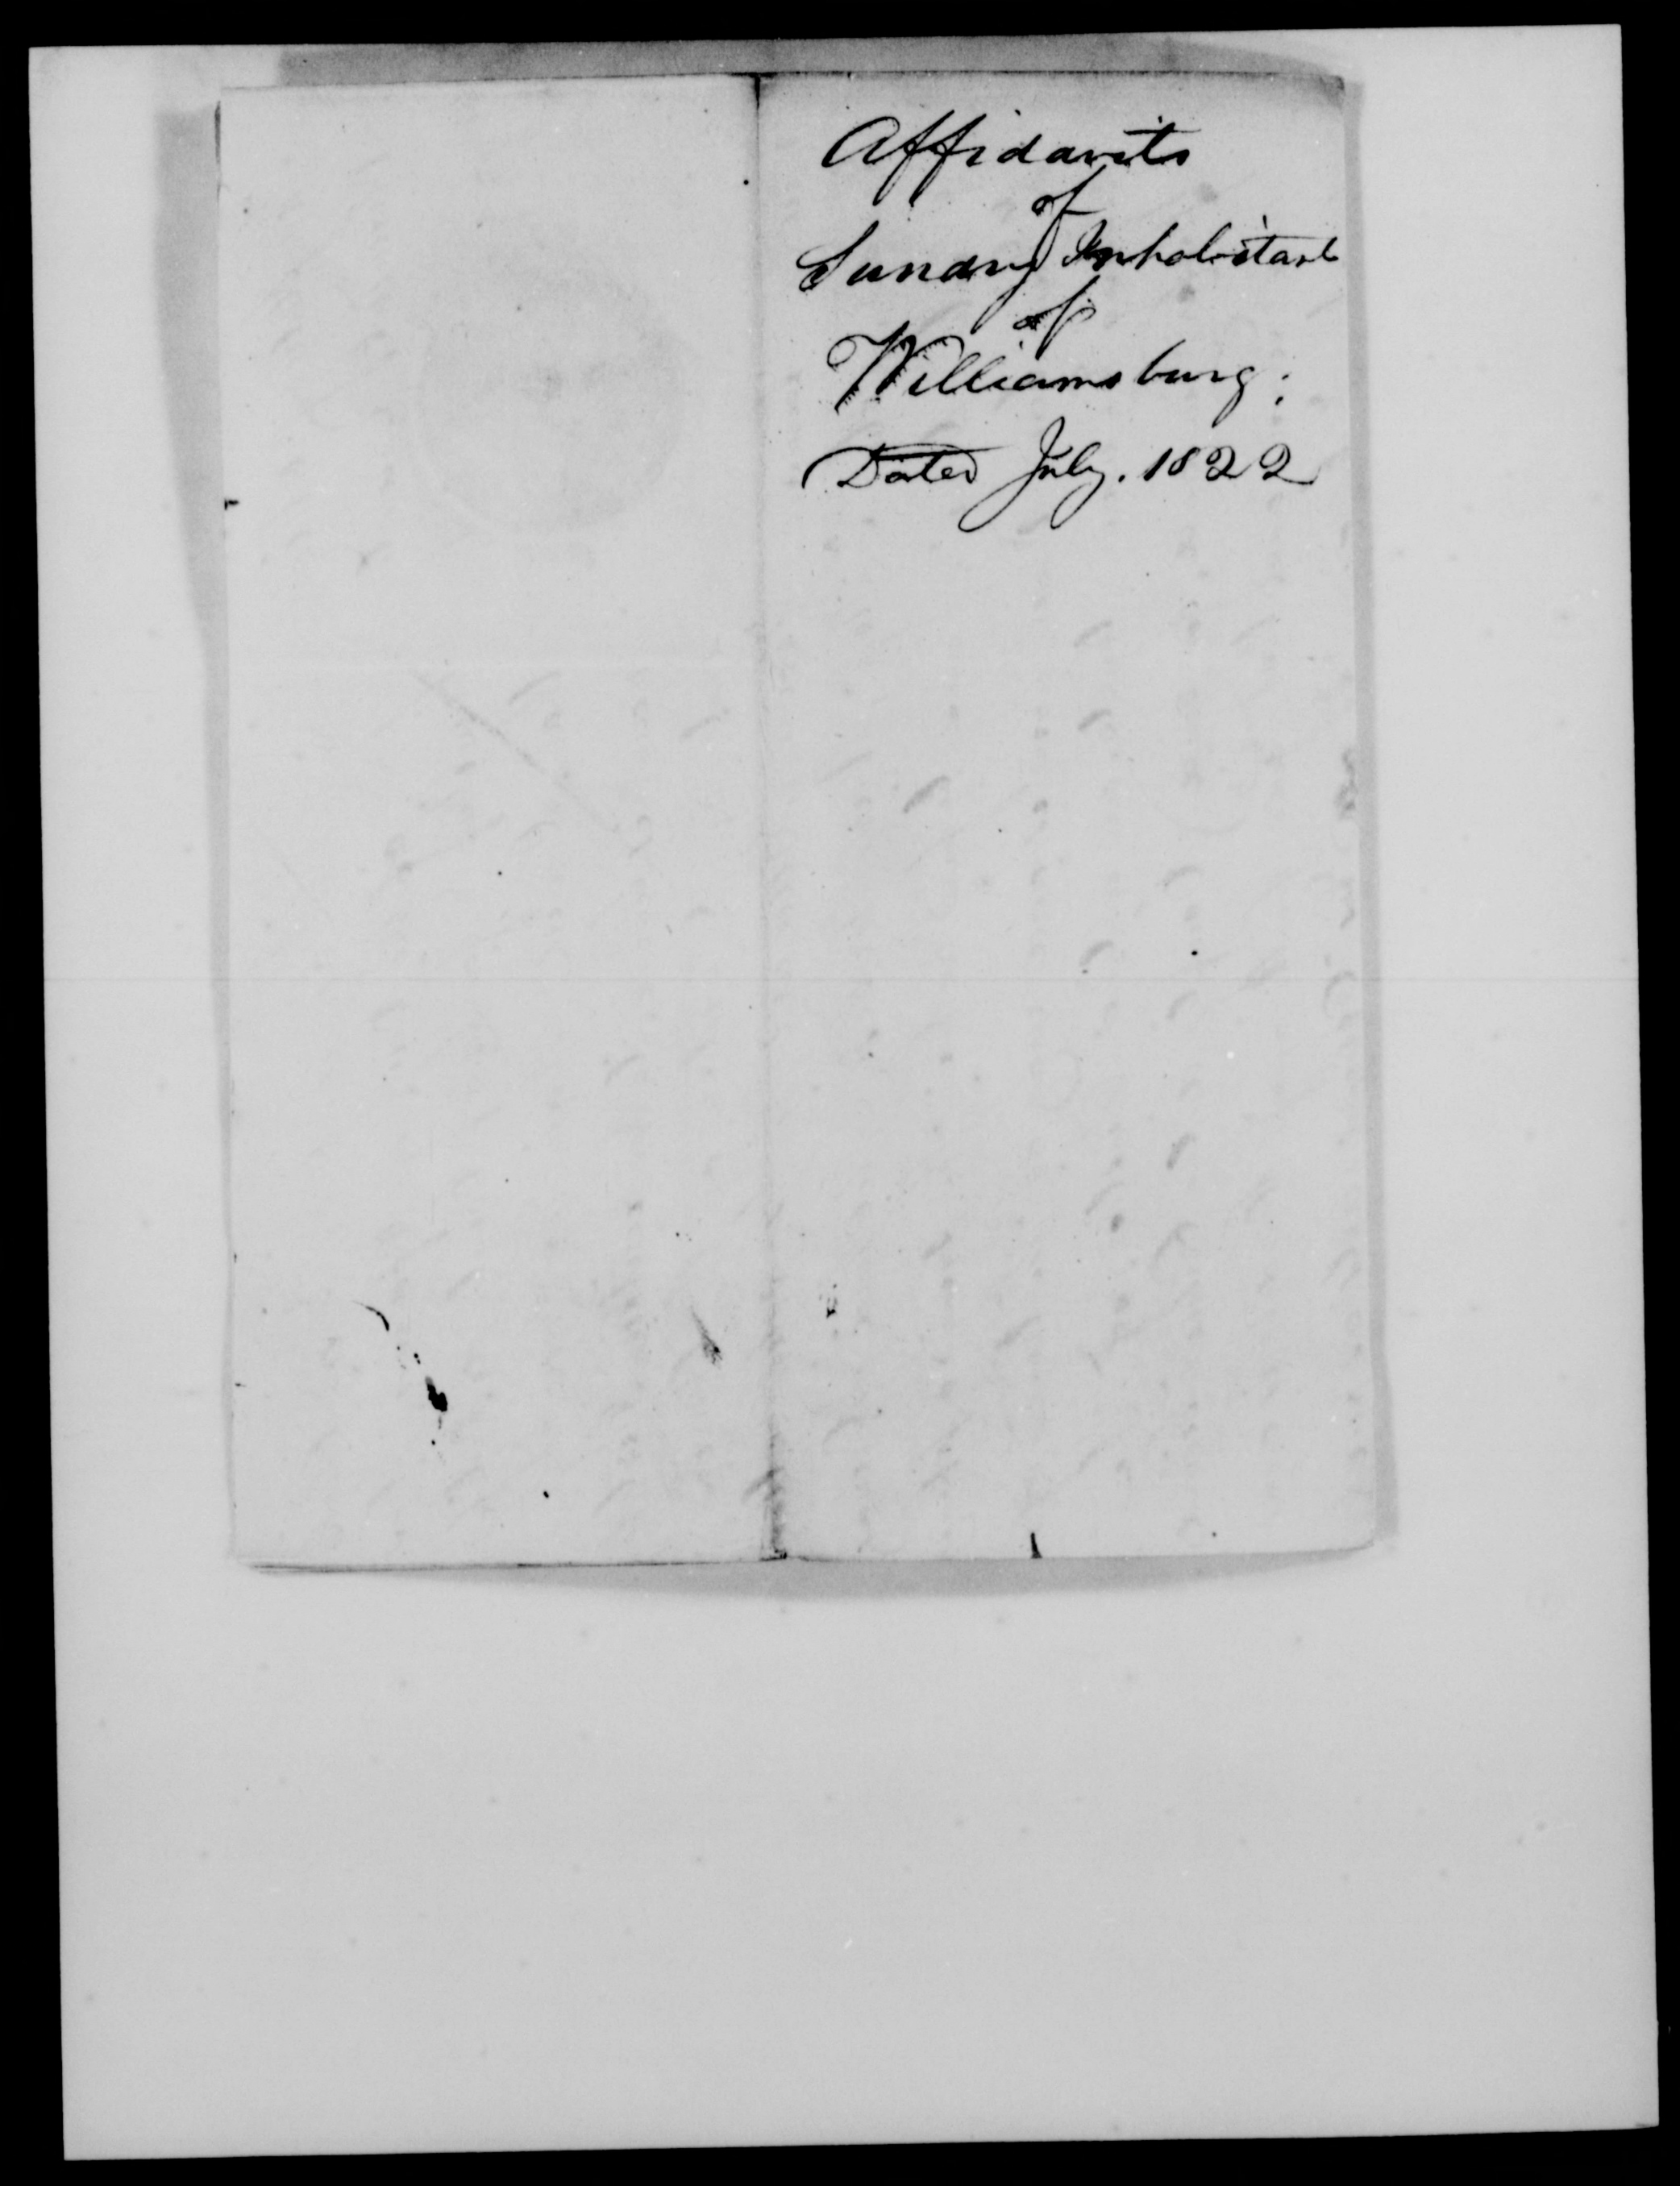Affidavits of Sundry Inhabitants of Williamsburg: Dated July. 1822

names: Sandry Inholistart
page: 54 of 66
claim: survivor's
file: S 40458, for Obadiah Smith, New York